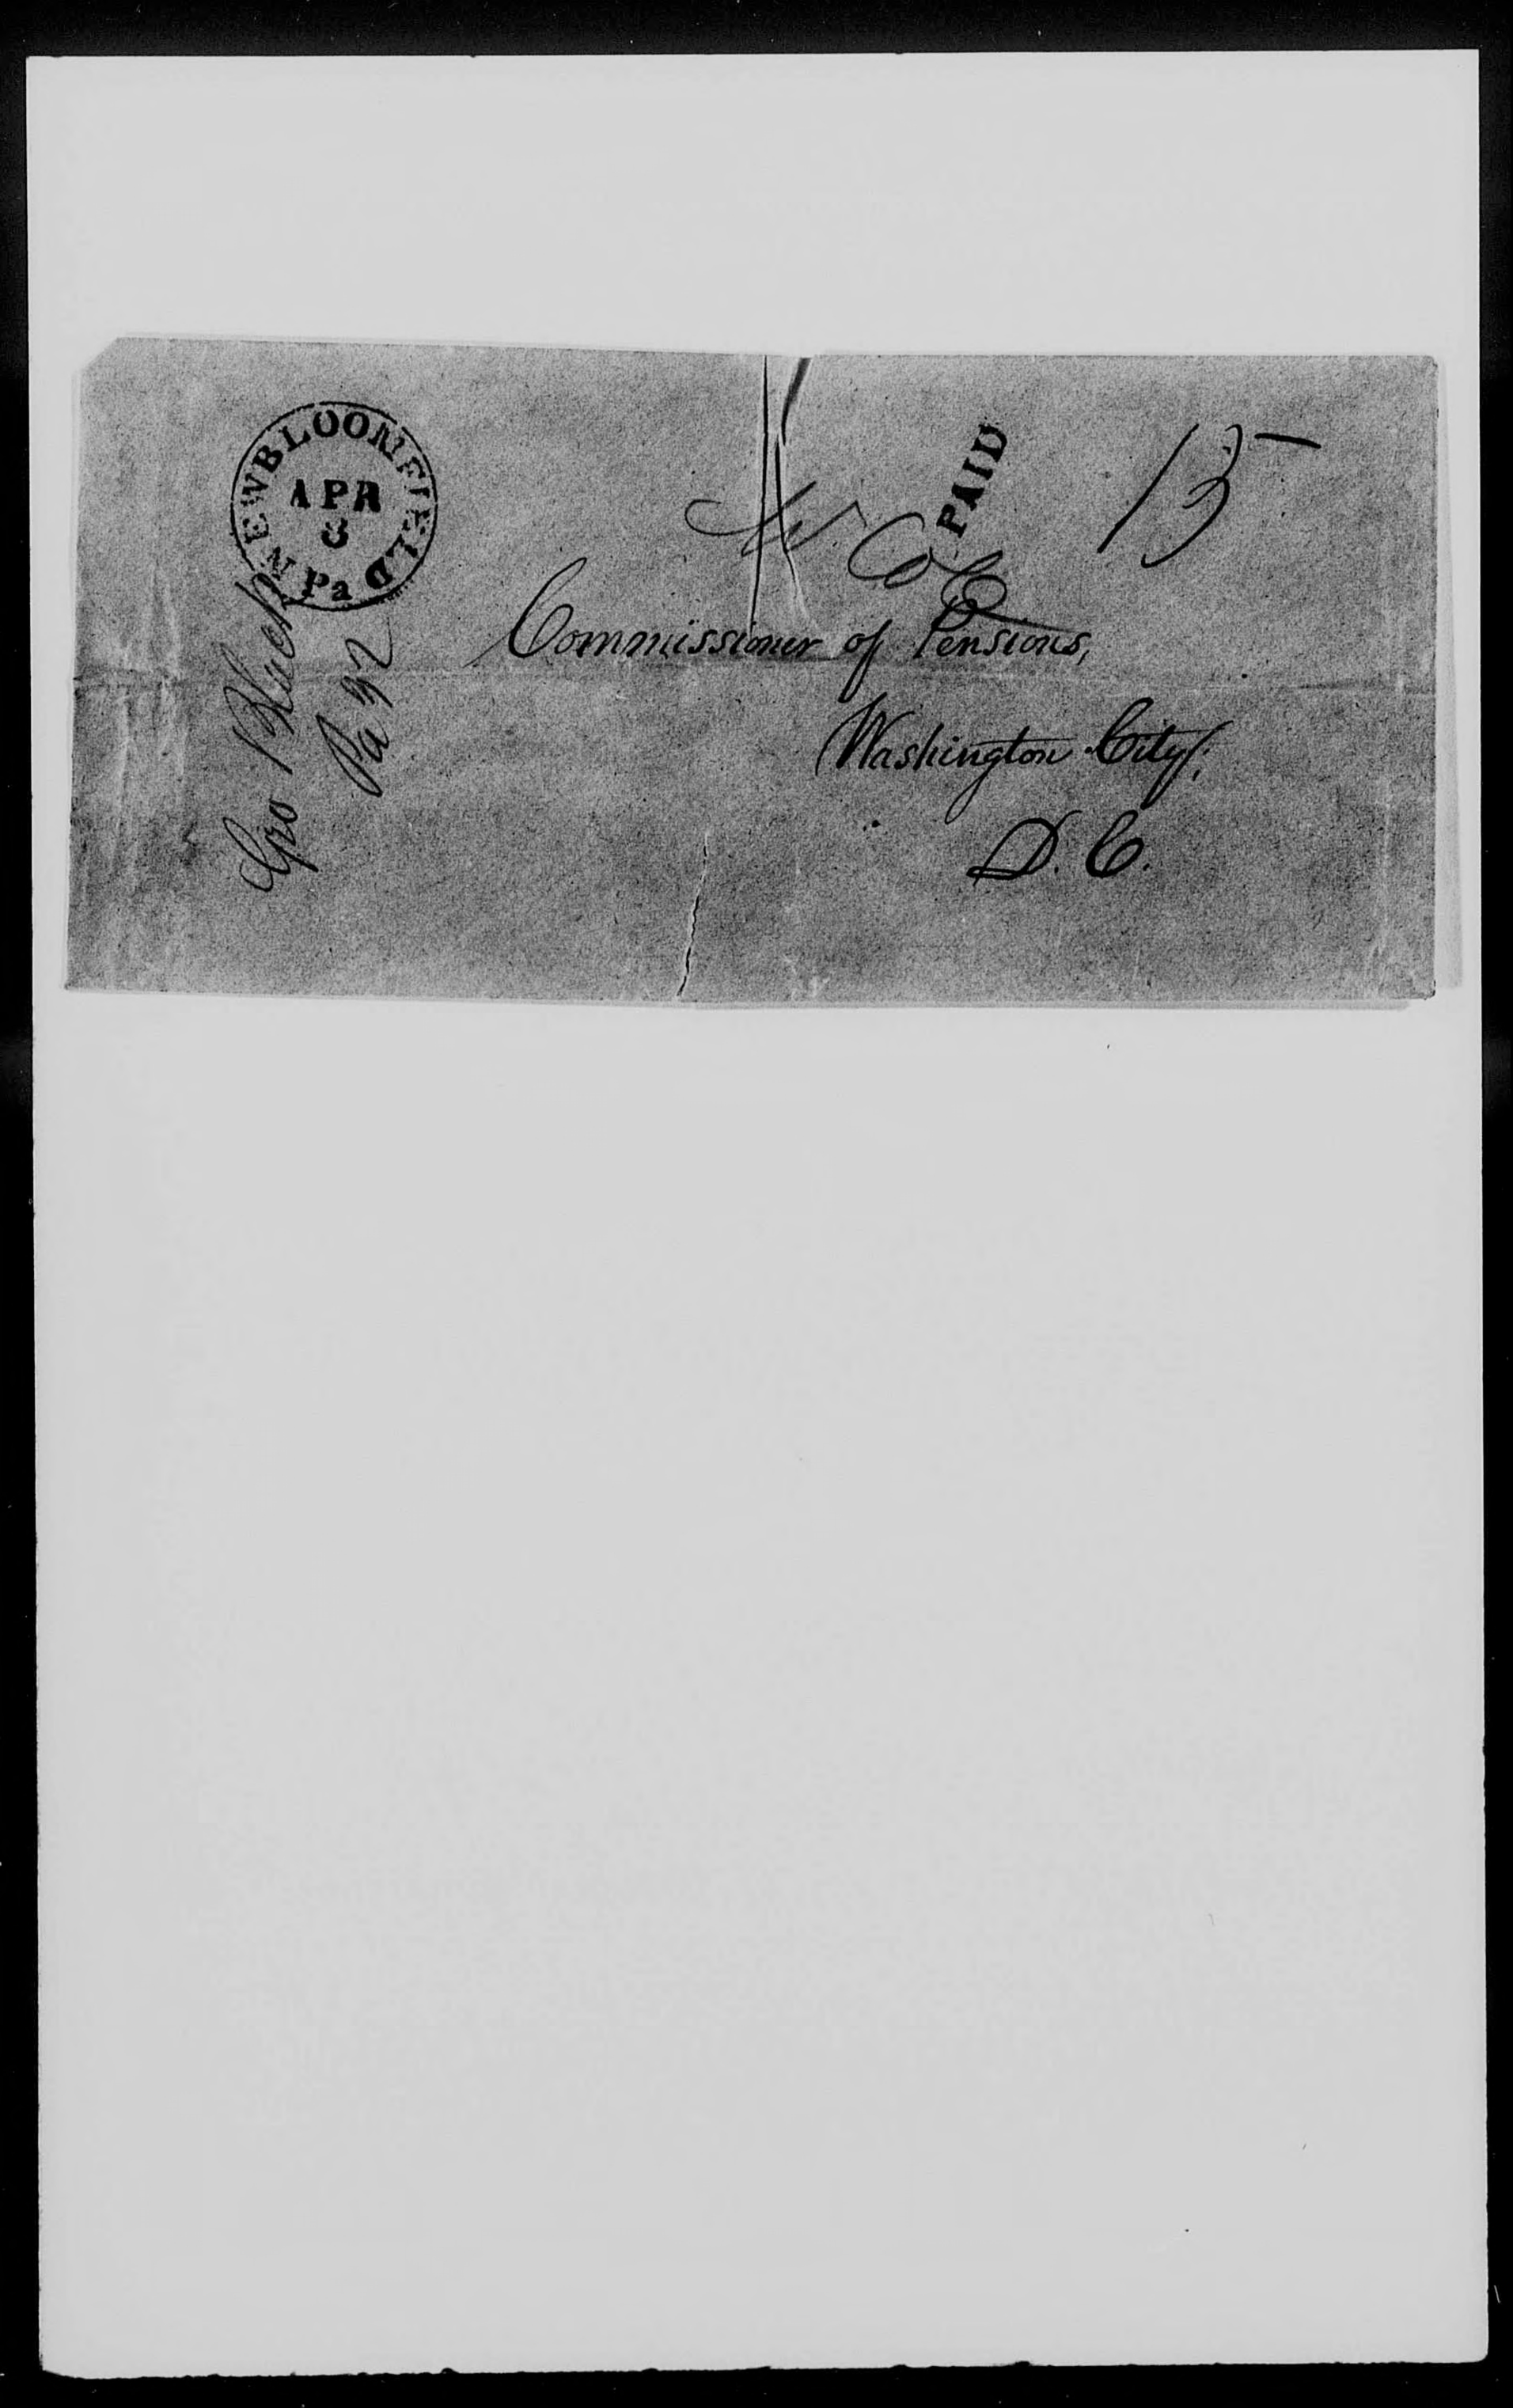[front of envelope with received stamp and paid stamp]


NEWBLOOMFIELD Pa APR 3
Geo Black Pa 32

Commissioner of Pensions, Washington City,
D. C.
W Cole [signature]
PAID
15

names: Geo Black, W Cole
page: 25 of 30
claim: widow's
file: W. 3211, George Black, Penn.